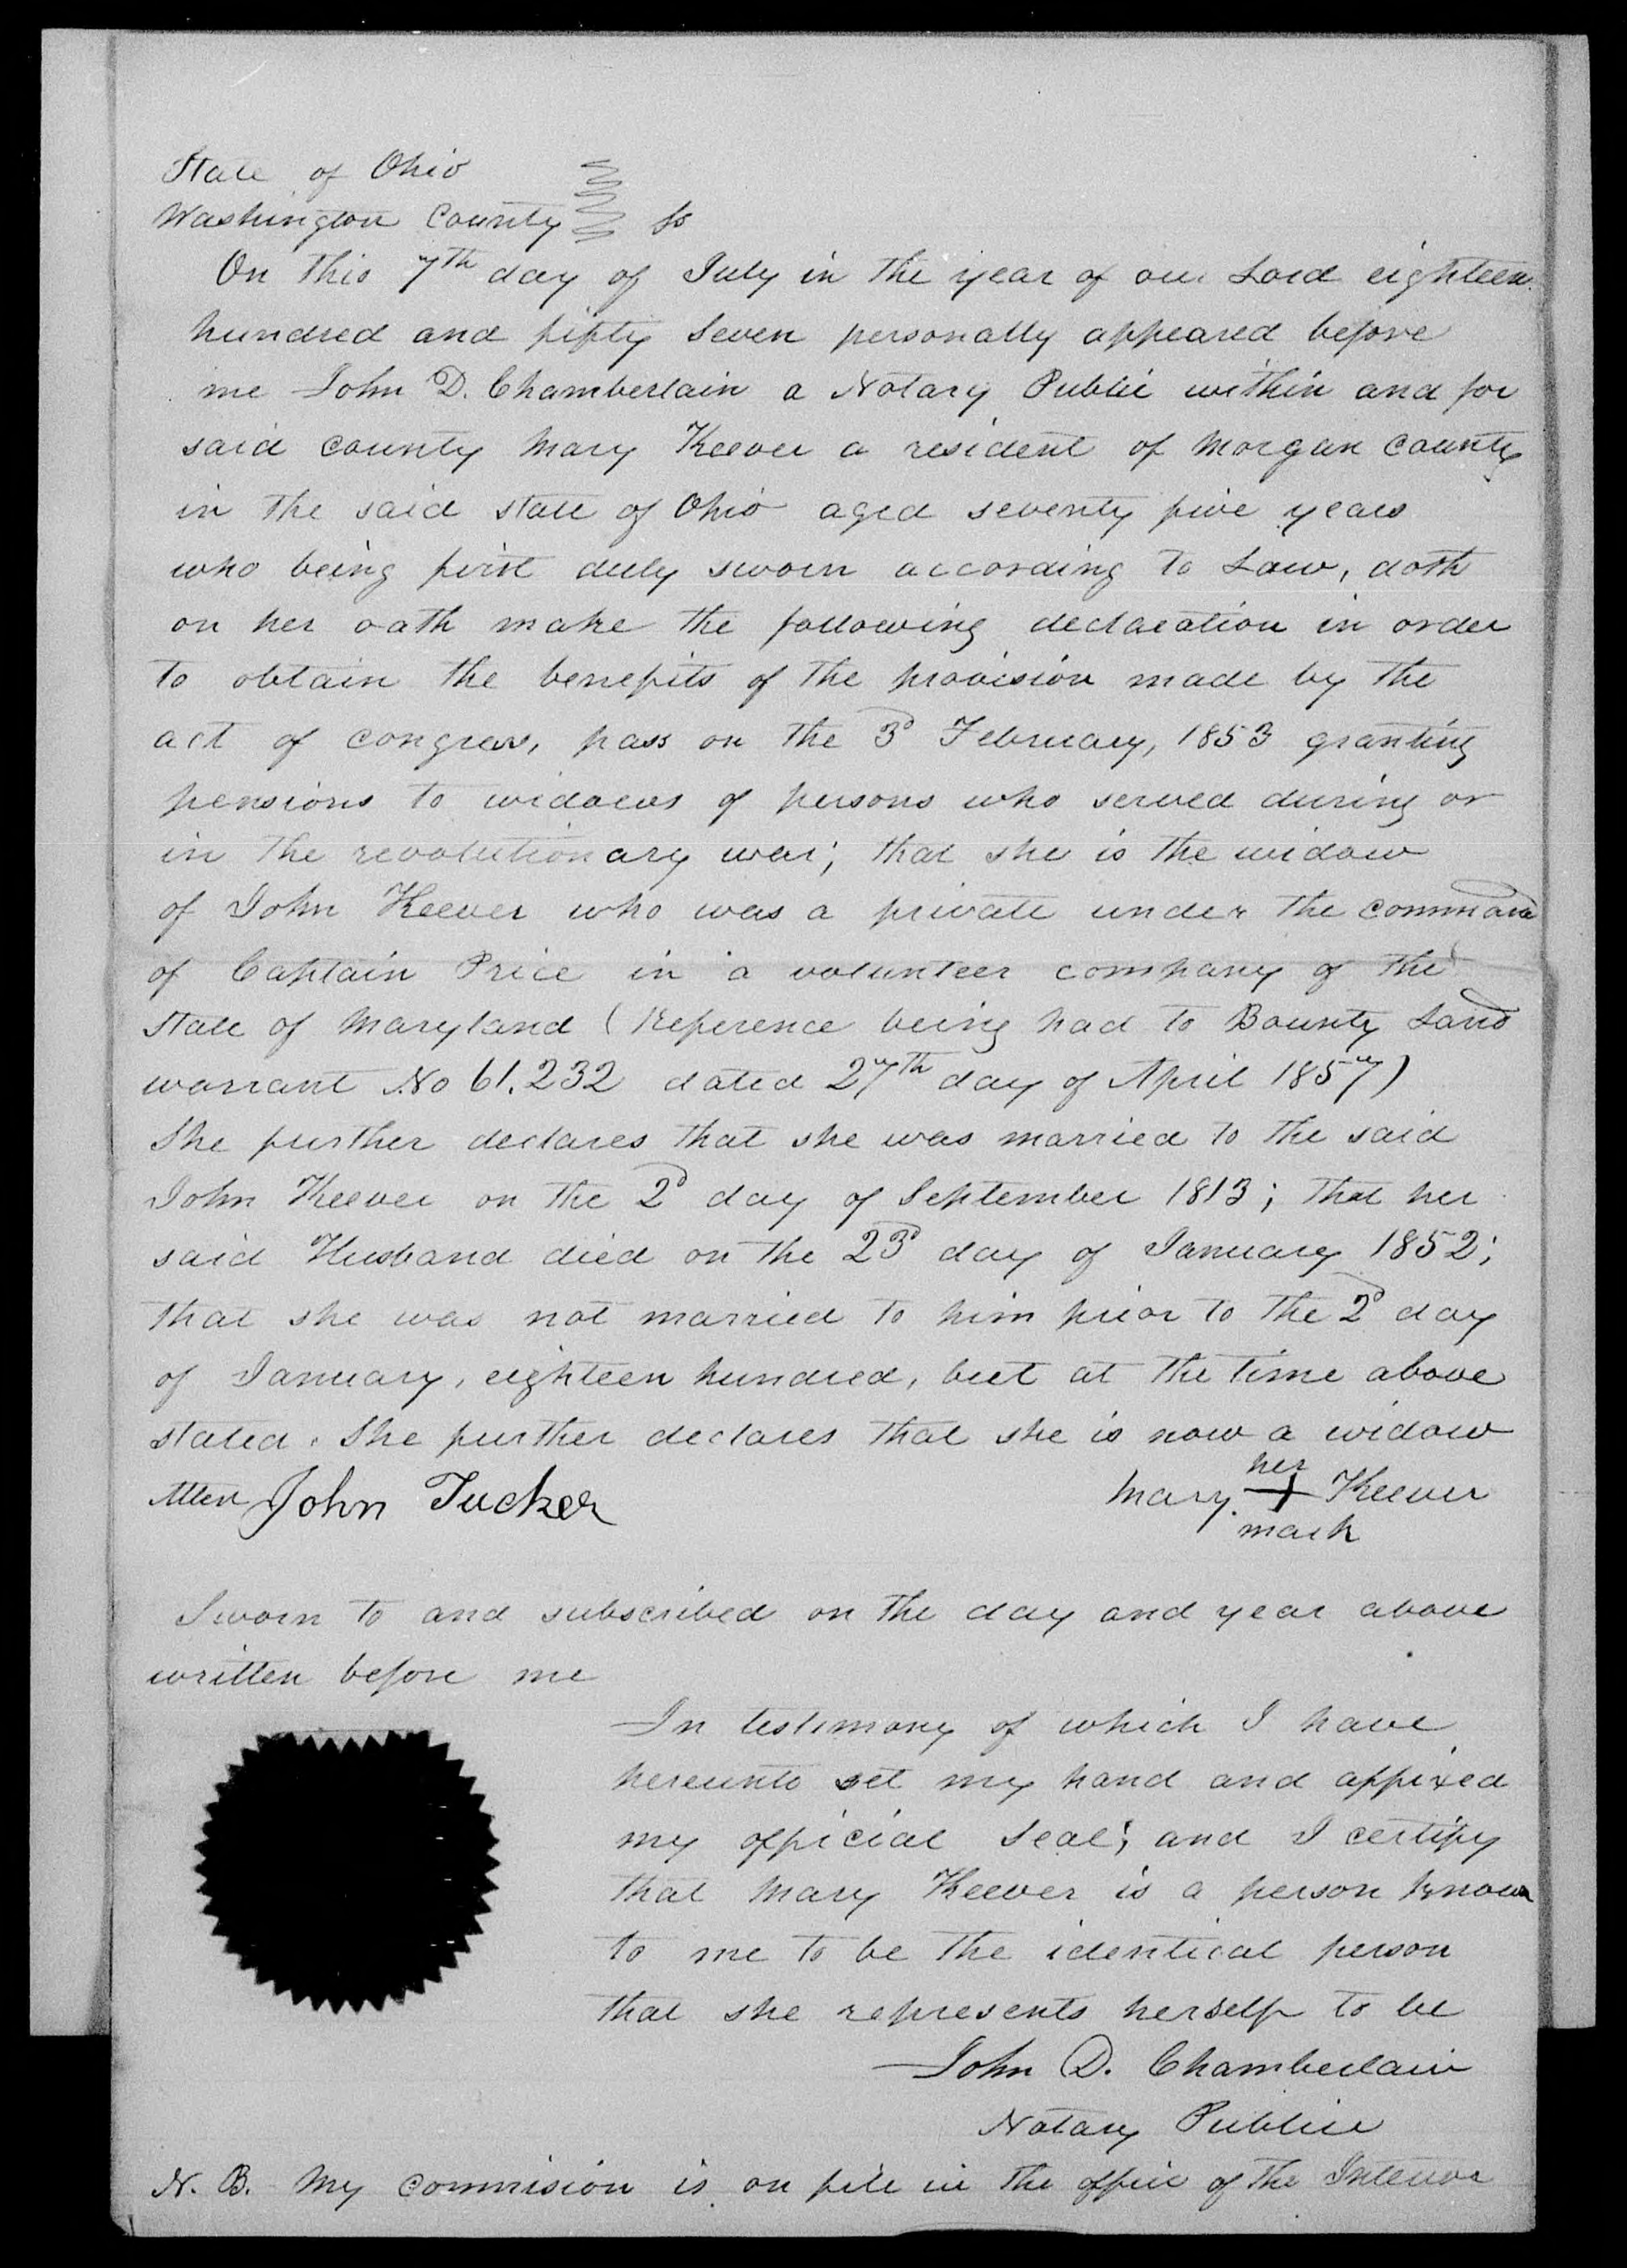State of Ohio ⎬ 
Washington County ⎬ ss 
On this 7th day of July in the year of our Lord eighteen 
hundred and fifty seven personally appeared before 
me John D. Chamberlain a Notary Public within and for 
said County Mary Keever a resident of Morgan County 
in the said state of Ohio aged seventy five years 
who being first duly sworn according to Law, doth 
on her oath make the following declaration in order 
to obtain the benefits of the provision made by the 
act of Congress, pass on the 3d February, 1853 granting 
pensions to widows of persons who served during or 
in the revolutionary war; that she is the widow 
of John Keever who was a private under the command 
of Captain Price in a volunteer company of the 
State of Maryland (Reference being had to Bounty Land 
warrant No 61,232 dated 27th day of April 1857) 
she further declares that she was married to the said 
John Keever on the 2d day of September 1813; that her 
said Husband died on the 23d day of January 1852, 
that she was not married to him prior to the 2d day 
of January, eighteen hundred, but at the time above 
stated. she further declares that she is now a widow 
Attest John Tucker 
Mary Keever her [handwritten] + mark 
Sworn to and subscribed on the day and year above 
written before me 
In testimony of which I have 
hereunto set my hand and affixed 
my official Seal; and I certify that 
Mary Keever is a person known
 to me to be the identical person 
that she represents herself to be 
John D. Chamberlain 
Notary Public 
N.B. My commision is on file in the office of the Interior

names: John D Chamberlain; [BLANK] Price; John Tucker; Mary Keever; John Keever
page: 3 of 33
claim: rejected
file: R. 5814, for John Keever, Maryland